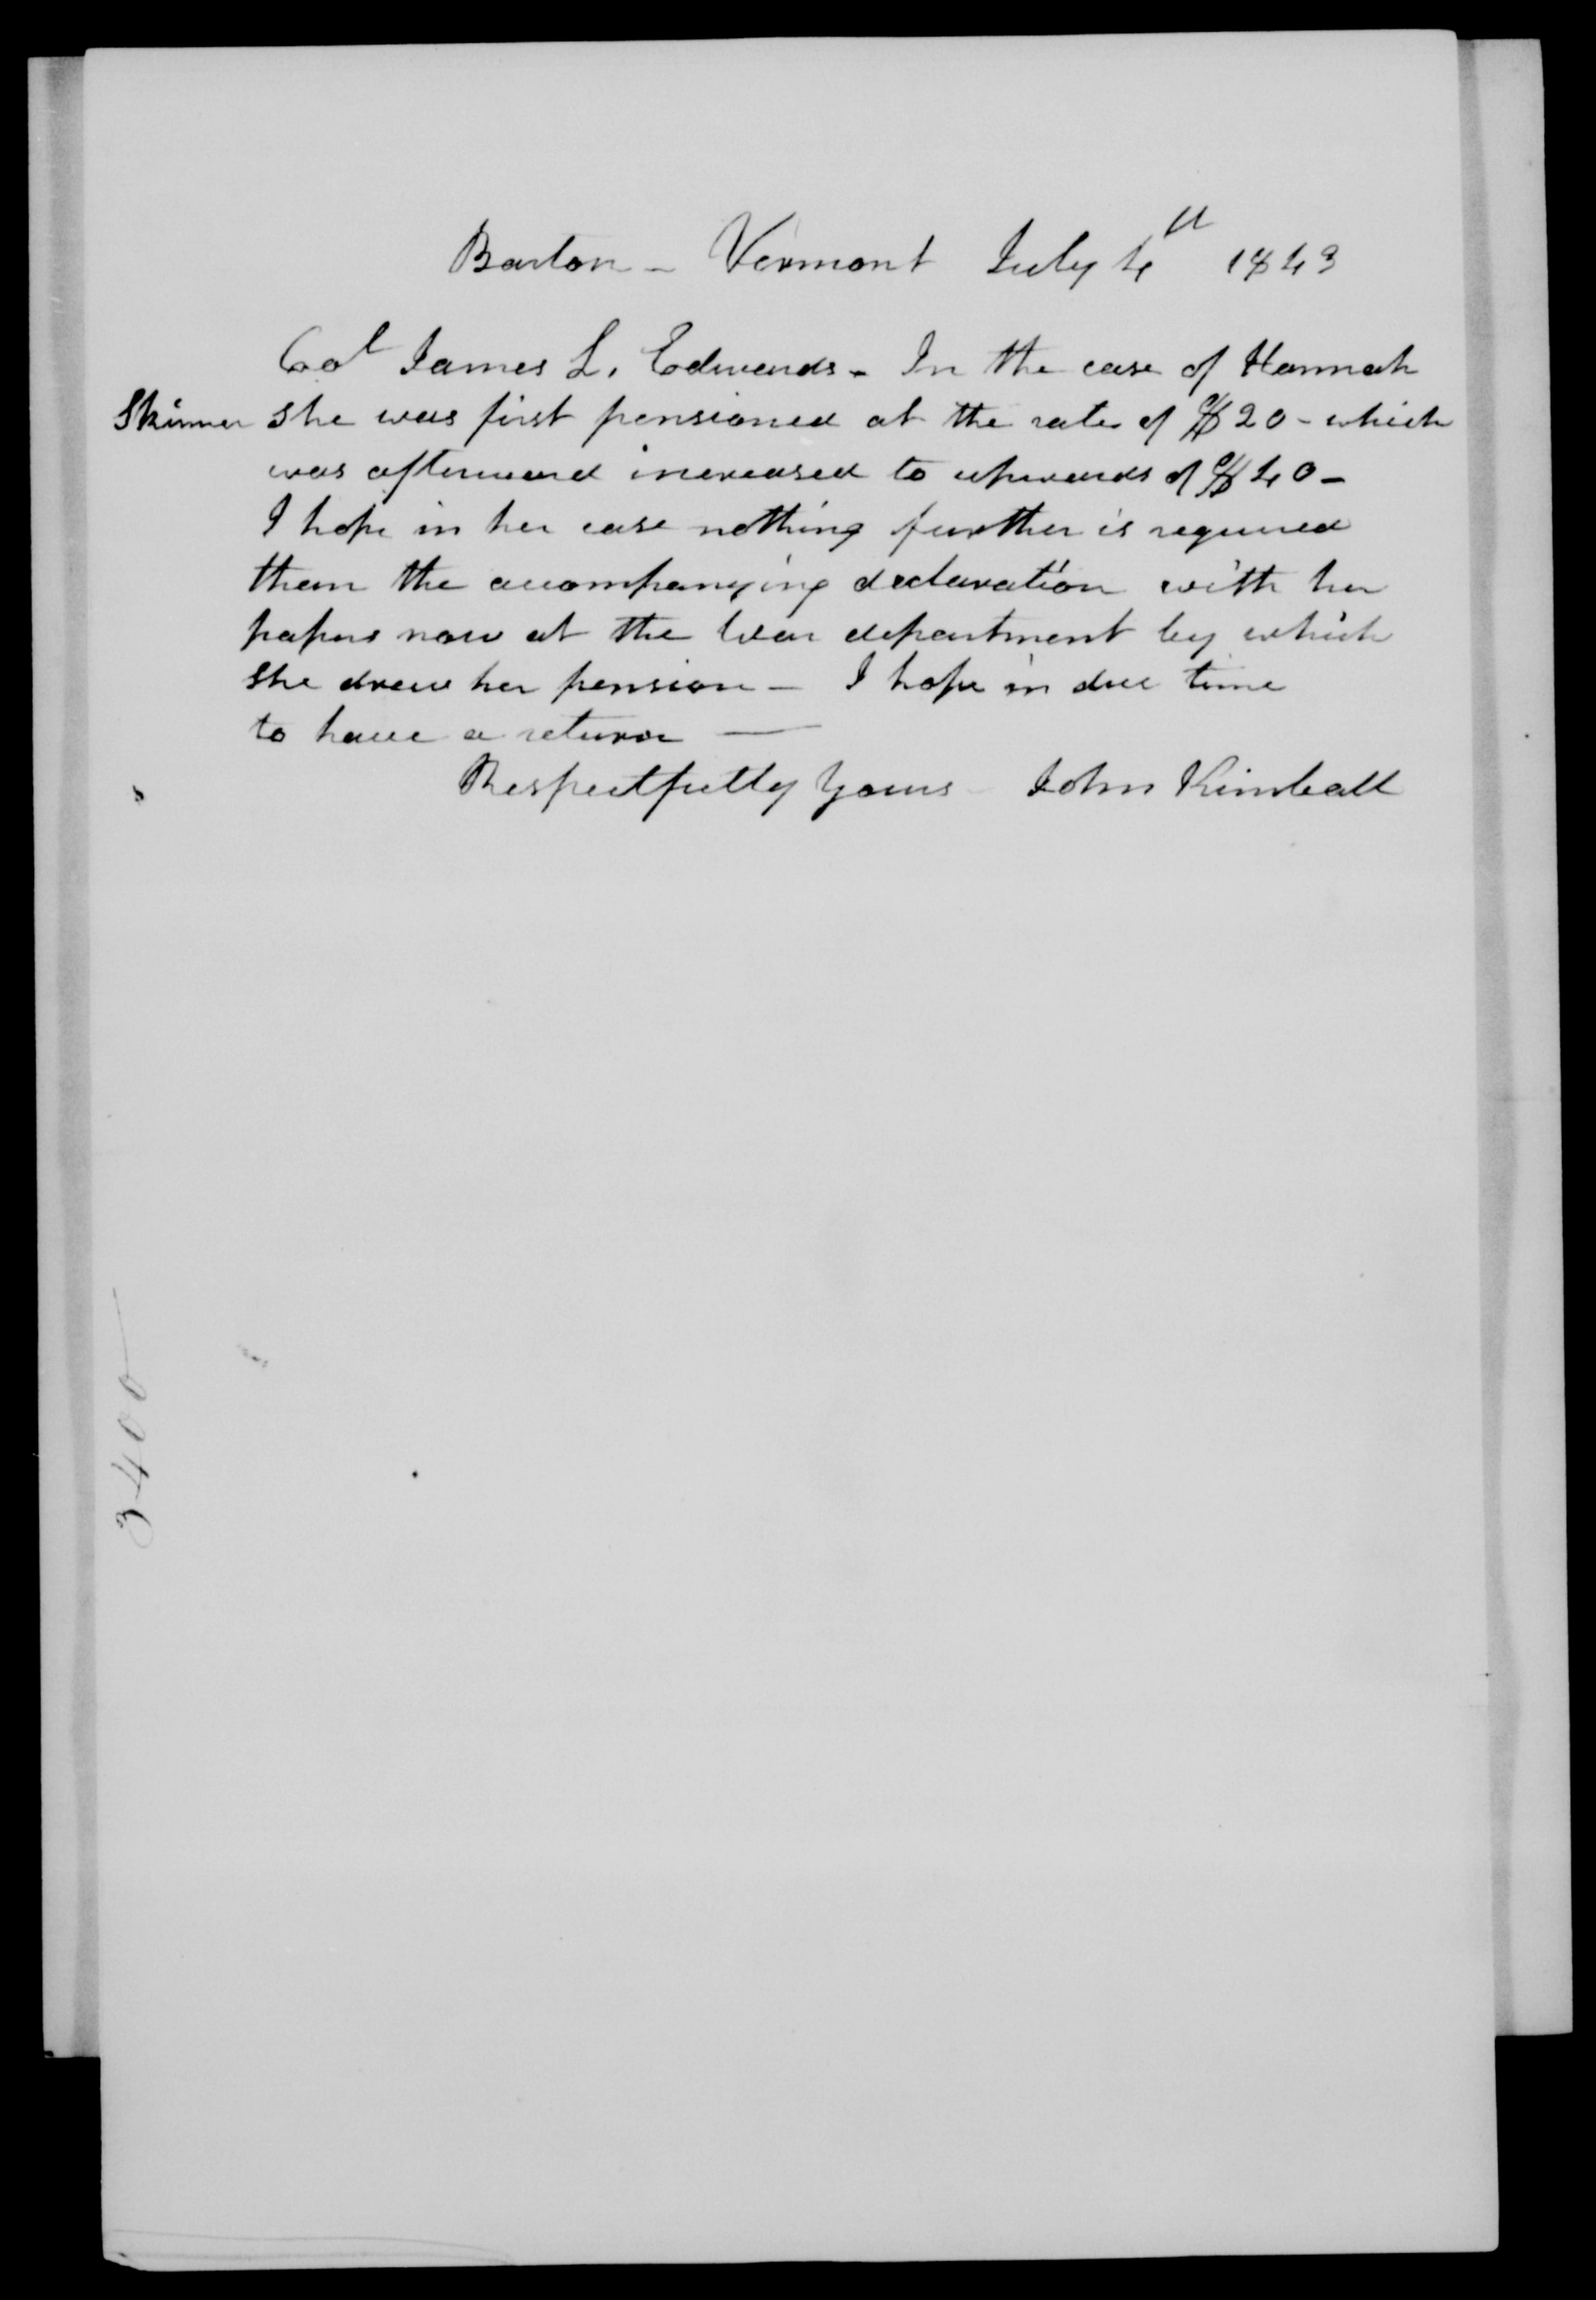Barton Vermont July 4th 1843
Col James L. Edwards - In the case of Hannah
Skinner, she was first pensioned at the rate of $20. which
was afterward increased to upwards of $40.
I hope in her case nothing further is required
then the accompanying declaration with her
papers now at the war department by which
she drew her pension - I hope in due time
to have a return-
Respectfully yours John Kimball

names: Hannah Skinner; John Kimball; James L Edwards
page: 46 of 46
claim: widow's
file: W. 24976, for Daniel Skinner, New Hampshire